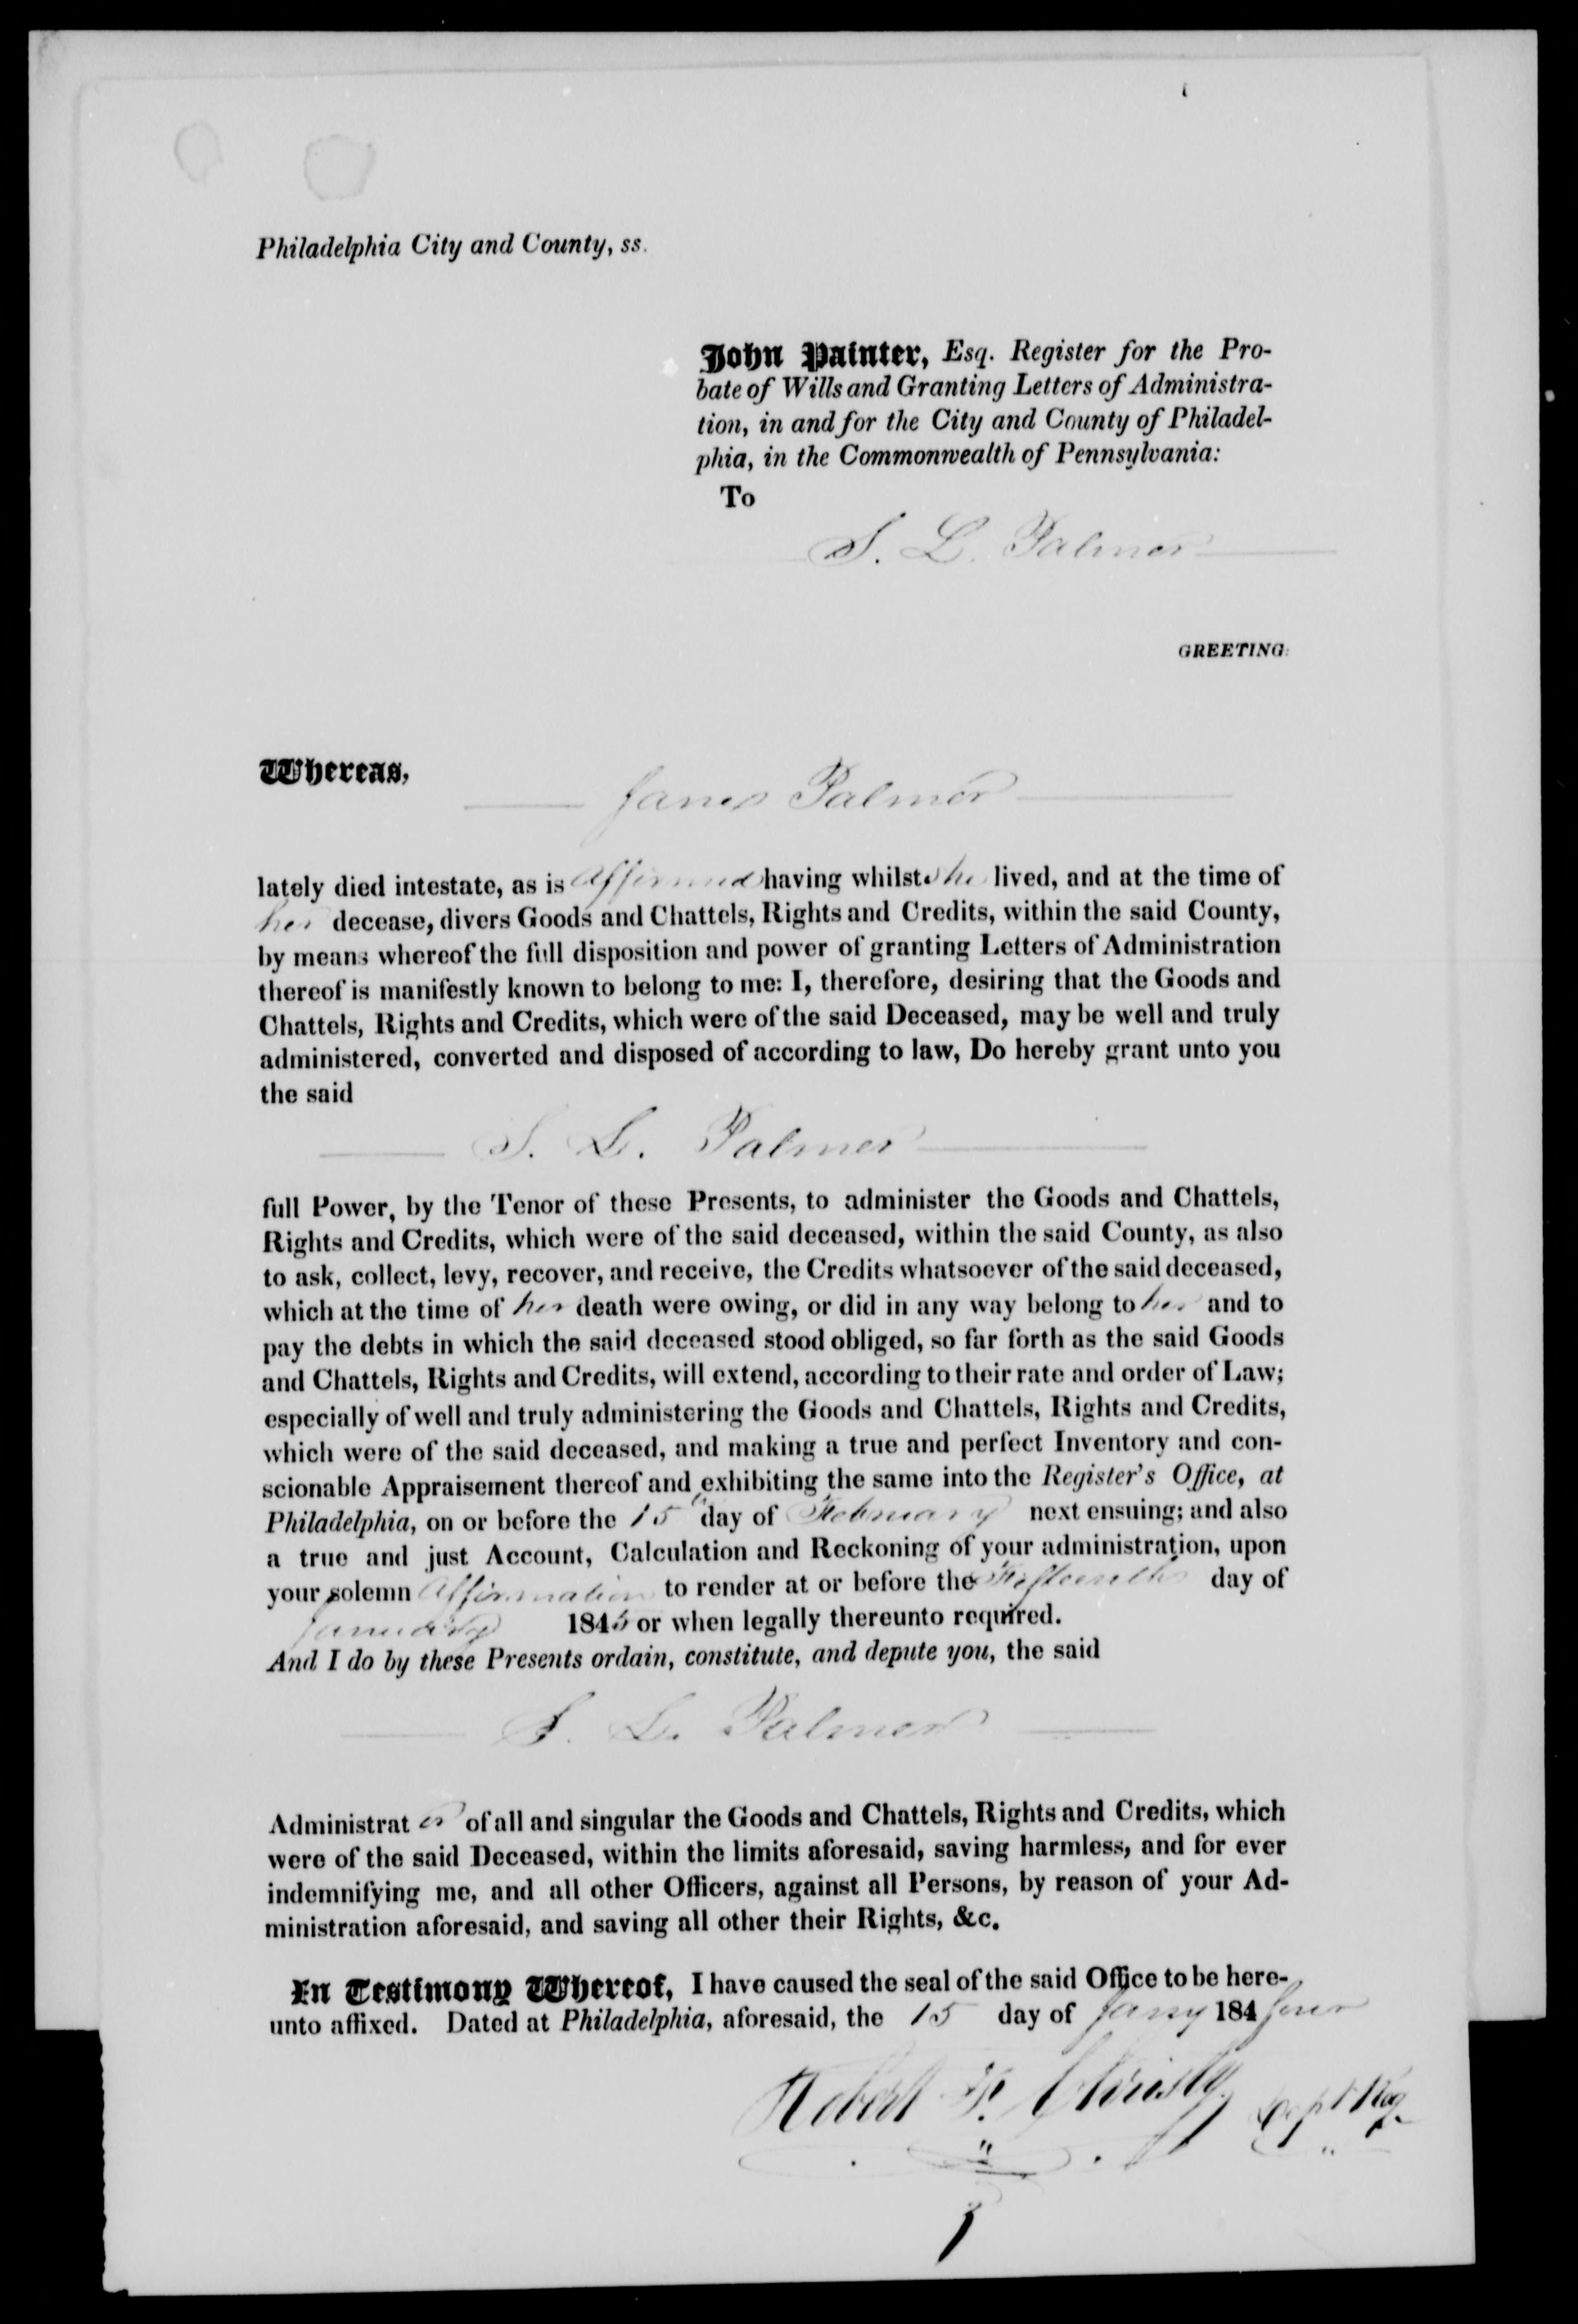John Painter, Esq. Register for the Probate of Wills and Granting Letters of Administration, in and for the City and County of Philadelphia, in the Commonwealth of Pennsylvania:

TO:  S. L. Palmer

GREETING

Whereas Jane Palmer lately died intestate, as is affirmed and having whilst she lived, and at the time of decease, divers Goods and chattels, Rights and Credits within the said County, by means whereof the full disposition and power of granting Letters of Administration thereof is manifestly known to belong to me: I, therefore, desiring that the Goods and Chattels, Rights and Credits, which were of the said Deceased, may be well and truly administered, converted and disposed of according to law, Do hereby grant unto you the said

S. L. Palmer

full power, by the Tenor of these Presents, to administer the Goods and Chattels, Rights and Credits, which were of the said deceased, within the said County, as also to ask, collect, levy, recover, and receive, the Credits whatsoever of the said deceased, which at the time of her death were owing, or did in any way belong to her and to pay the debts in which the said deceased stood obliged, so far forth as the said Goods and Chattels, Rights and Credits will extend, according to their rate and order of Law;
especially of well and truly administering the Goods and Chattels, Rights and Credits, which were of the said deceased, and making a true and perfect Inventory and conscionable Appraisement thereof and exhibiting the same into the Register's Office at Philadelphia, on or before the 15th day of February next ensuing; and also a true and just account, Calculation and reckoning of your administration, upon your solemn affirmation to render at or before the Fifteenth day of January 1845 or when legally thereunto required.

And I do by these Presents ordain,constitute, and depute you, the said
S. L. Palmer

Administrator of all and singular the Goods and Chattels, Rights and Credits, which were of the said Deceased, within the limits aforesaid, saving harmless, and for ever indemnifying me, and all other Officers, against all persons, by reason of your Administration aforesaid, and saving all other their rights, &c.

In Testimony Whereof, I have caused the seal of the said Office to be hereunto affixed. Dated at Philadelphia aforesaid, the 15 day of January 1844

Robert Tinsley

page: 11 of 28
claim: survivor's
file: S. 7601, for Archibald Steel, Pennsylvania